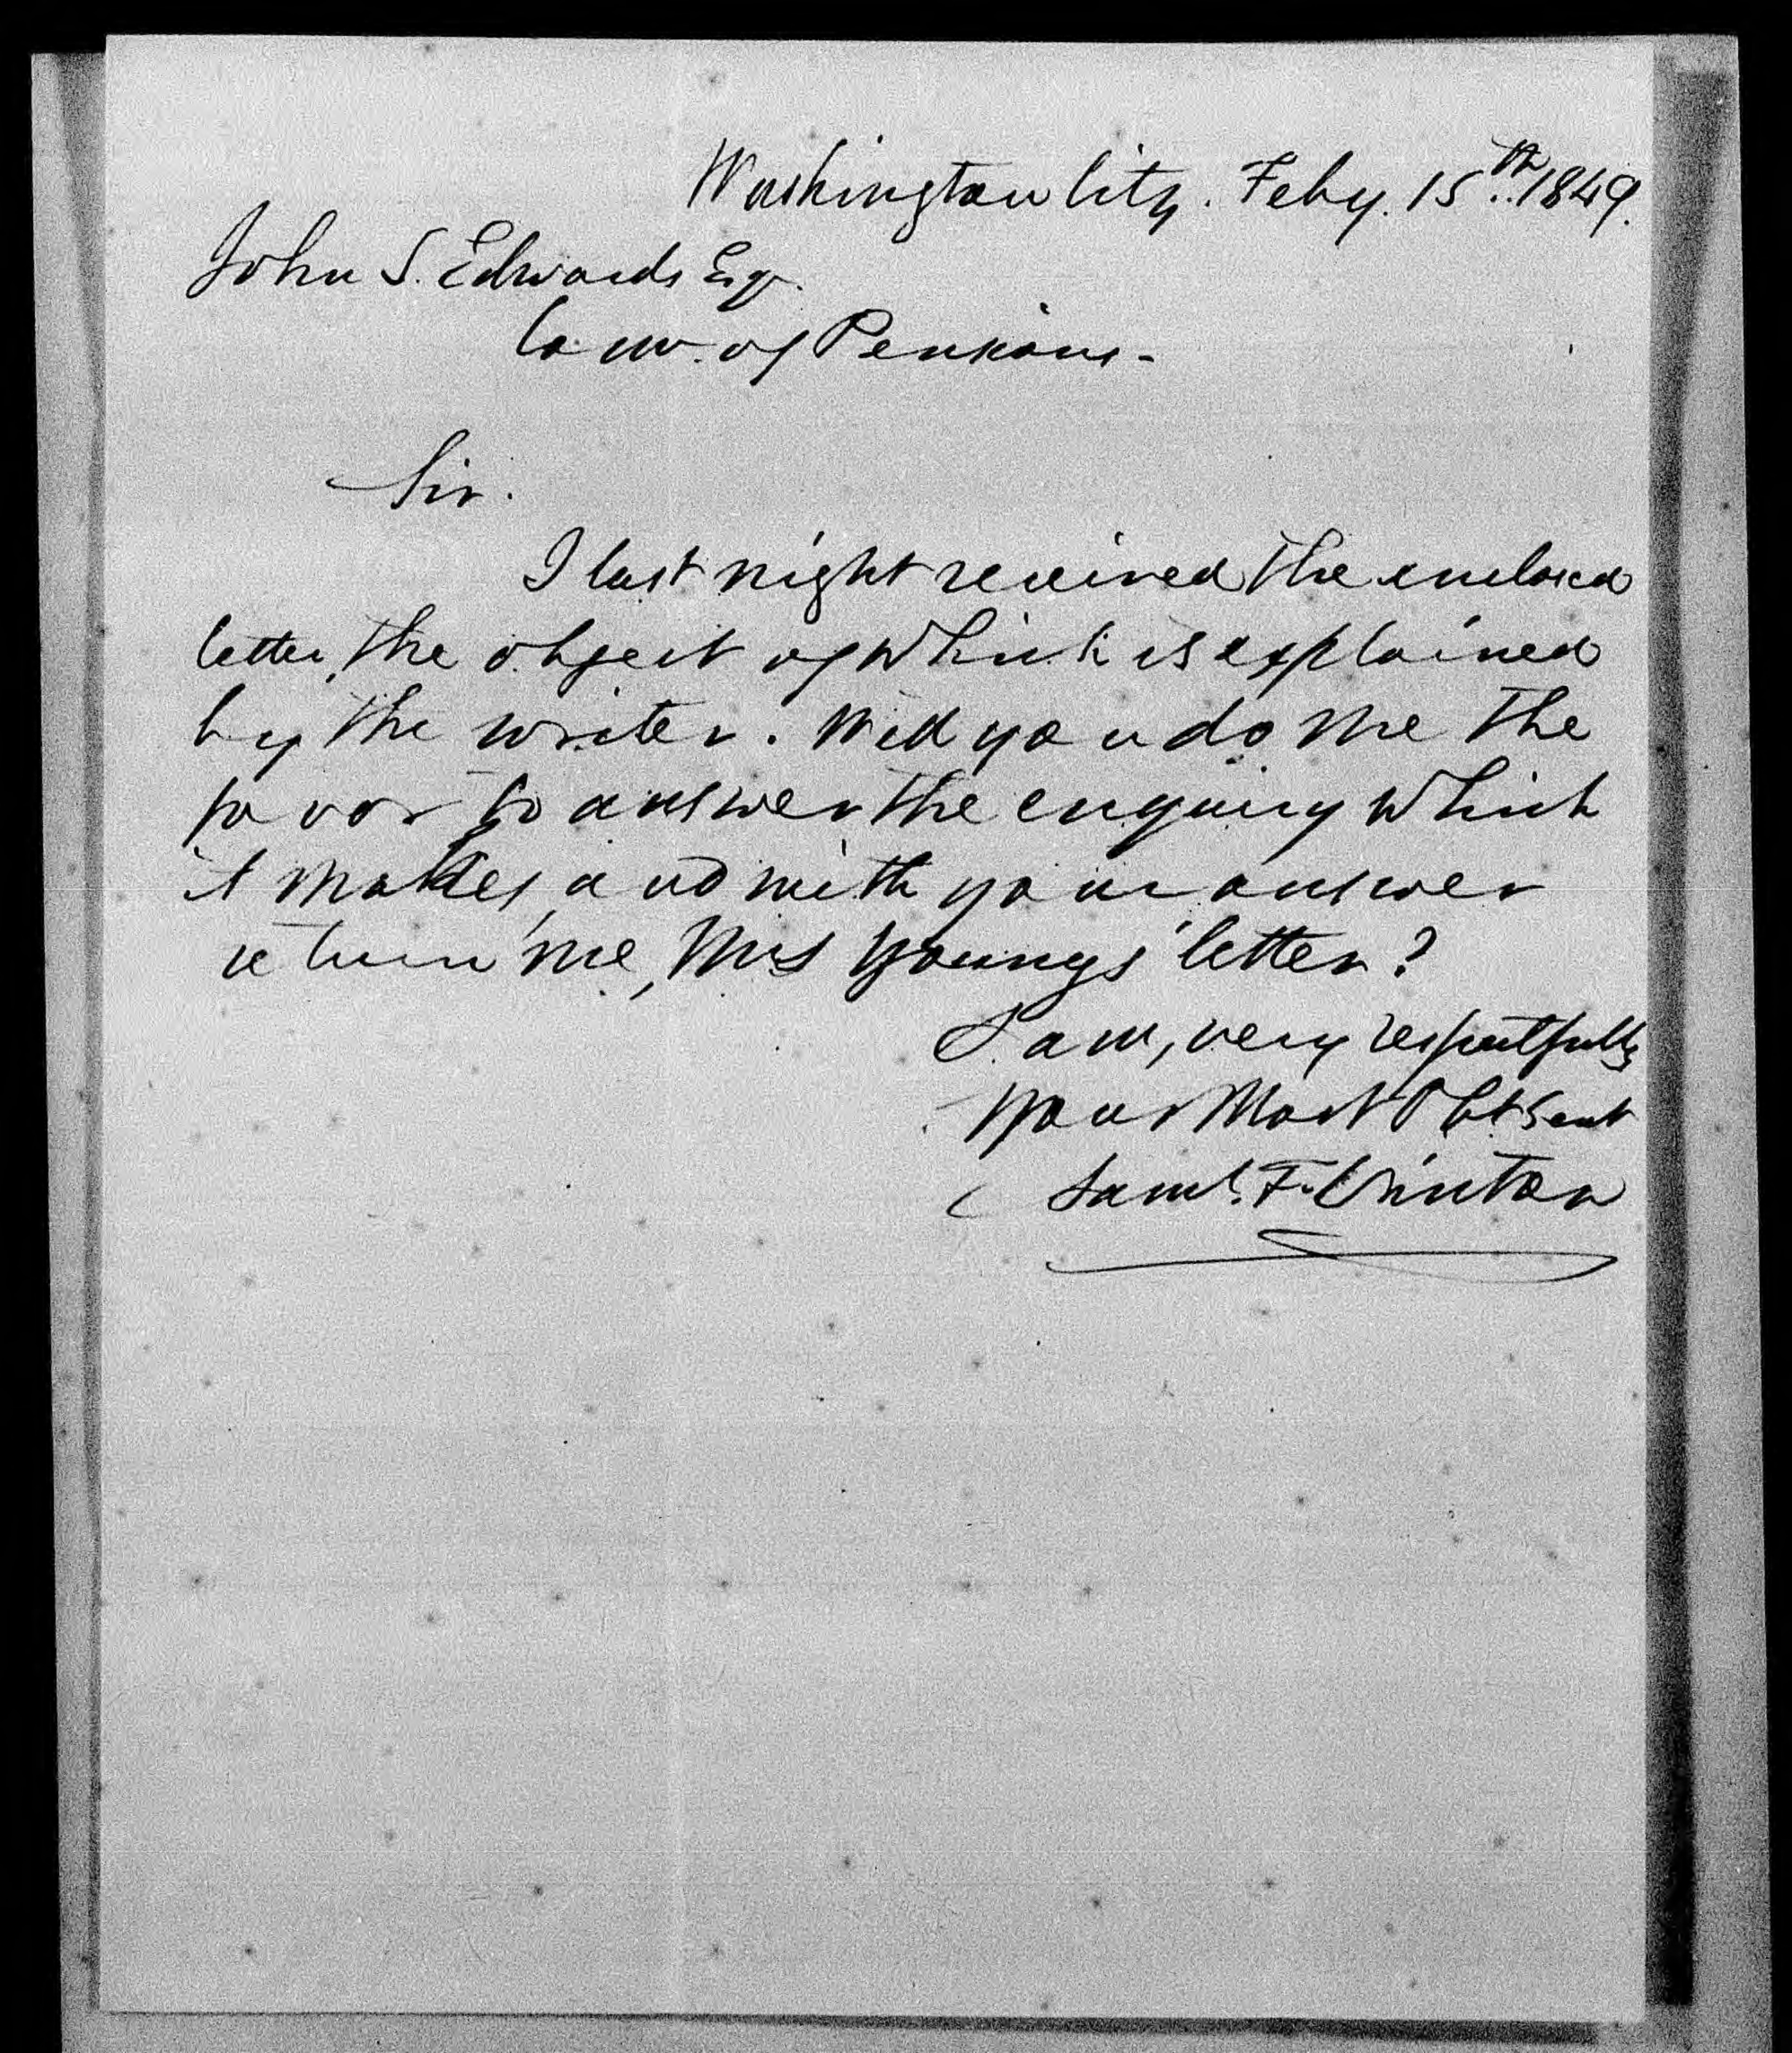Washington City, Feby. 15th 1849

John L. Edwards Esqr.
Com. of Pensions

Sir
I last night received the enclosed letter the object of which is explained by the writer. Will you do me the honor to answer the enquiry which it makes and with your answer return me, Mrs Young's letter?
I am very respectfully
Your Most Obt Servt
Saml. F. Vinton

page: 25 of 50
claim: widow's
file: W. 4253, for John Kent, Vermont